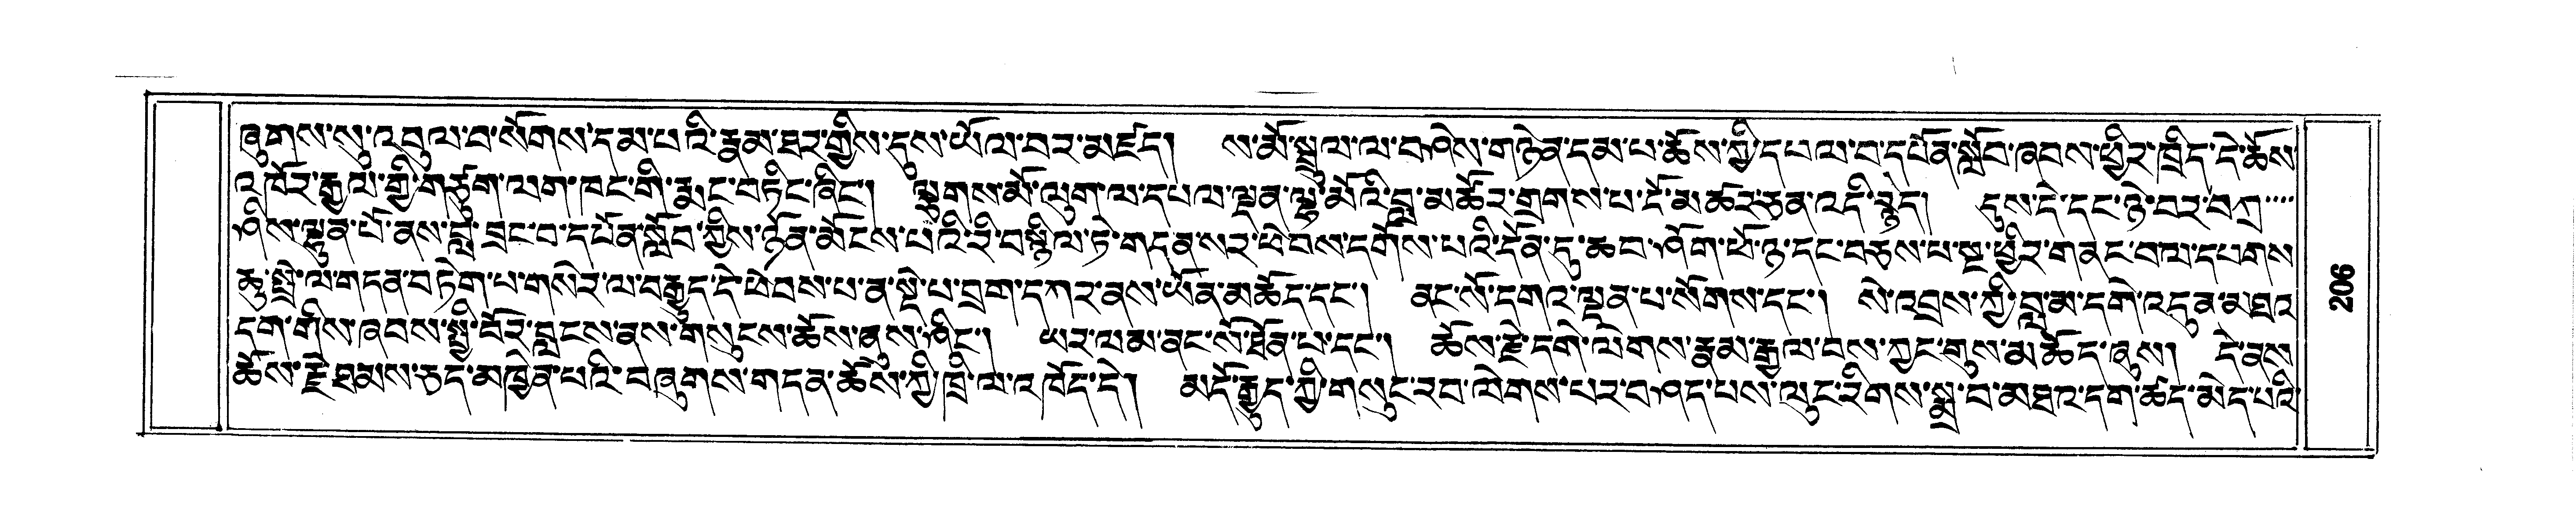ཞུགས་སུ་འབུལ་བ་སོགས་དམ་པའི་རྣམ་ཐར་གྱིས་དུས་ཡོལ་བར་མཛད། ས་མོ་སྦྲུལ་ལ་བཤེས་གཉེན་དམ་པ་ཆོས་ཀྱི་དཔལ་བ་དཔོན་སློབ་ཞབས་ཕྱིར་ཁྲིད་དེ་ཆོས་
འཁོར་རྒྱལ་གྱི་གཙུག་ལག་ཁང་གི་རྨང་བཏིང་ཞིང་། ལྕགས་མོ་ལུག་ལ་དཔལ་ལྡན་ལྷ་མོའི་བླ་མཚོར་གྲགས་པ་ངོ་མཚར་ཅན་འདི་རྙེད། དུས་དེ་དང་ཉེ་བར་བཀྲ་
ཤིས་ལྷུན་པོ་ནས་བླ་བྲང་བ་དཔོན་སློབ་ཀྱིས་ཉོན་མོངས་པའི་རི་བསྙིལ་ཏེ་གདན་སར་ཕེབས་དགོས་པའི་དོན་དུ་ཆབ་ཤོག་ཕོ་ཉ་དང་བཅས་པ་སྔ་ཕྱིར་གནང་བ་ལ་དཔགས་
Fཆུ་སྤྲེ་ལ་གདན་བཏེག་པ་གསེར་ལ་བརྒྱུད་དེ་ཕེབས་པ་ན་སྡེ་པ་བྲག་དཀར་ནས་ཡོན་མཆོད་དང་། ནང་སོ་དགའ་ལྡན་པ་སོགས་དང་། སེ་འབྲས་ཀྱི་བླ་མ་དགེ་འདུན་མཐའ་
དག་གིས་ཞབས་སྤྱི་བོར་བླངས་ནས་གསུངས་ཆོས་ཞུས་ཤིང་། ཡར་ལམ་ནང་སོ་ཐོན་པ་དང་། ཆོས་རྗེ་དགེ་ལེགས་རྣམ་རྒྱལ་བས་ཀྱང་གུས་མཆོད་ཞུས། དེ་ནས་
ཆོས་རྗེ་ཐམས་ཅད་མཁྱེན་པའི་བཞུགས་གདན་ཆོས་ཀྱི་ཁྲི་ལ་འཁོད་དེ། མདོ་རྒྱུད་ཀྱི་གསུང་རབ་ལེགས་པར་བཤད་པས་ལུང་རིགས་སྨྲ་བ་མཐའ་དག་ཚད་མེད་པའི་